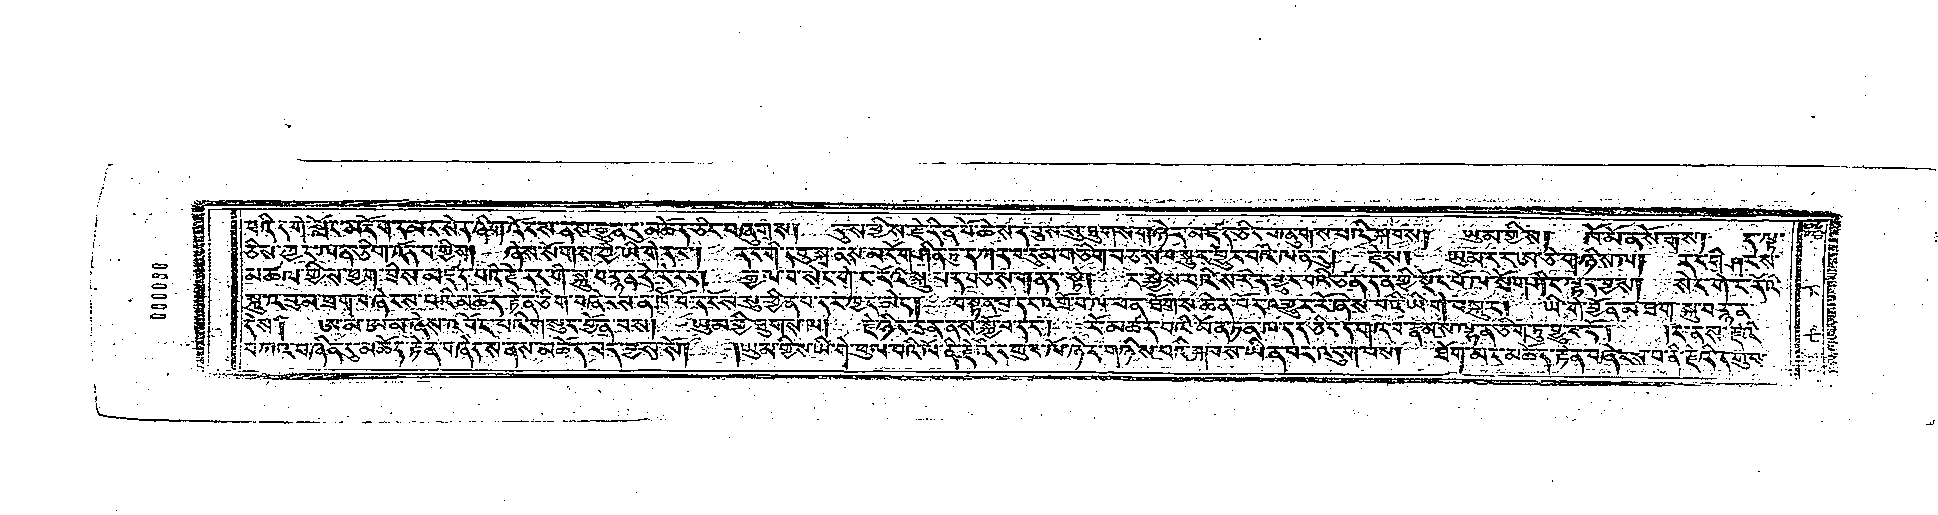བའི་དགེ་སློང་མྲྡོག་དམར་སེར་ཞིག་འོངས་ནས་རྒྱུན་དུ་མཆོད་ཅིང་བཞུགས། དུས་ཕྱིས་རྗེ་རིན་པོ་ཆེས་དབུས་སུ་ཐུགས་གཉེར་མཛད་ཅིང་བཞུགས་པའི་སྐབས། ཡུམ་གྱིས། ཁོ་མོ་ན་སོ་རྒས། ད་ལྟ་
ཅིས་ཀྱང་ལན་ཅིག་འོད་བ་གྱིས། ཞེས་སོགས་ཀྱི་ཡི་གེ་དང་། རང་གི་དབུ་སྐྲ་ནས་མདོ་གཤིན་ཏུ་དཀར་བ་དུམ་གཅིག་བཅས་བསྐུར་བྱུང་བའི་ལན་དུ། རྗེས། ཡུམ་དང་ཨ་ཅི་གཉིས་ལ། རང་གི་ཤངས་
མཚལ་གྱིས་ཕྱག་བྲིས་མཛད་པའི་རྗེ་རང་གི་སྐུ་བརྙན་རེ་རེ་དང་། རྒྱལ་བ་སེང་གེ་ང་རོའི་སྐུ་པར་བཅས་གནད་སྟེ། ད་སྐྱེས་པའི་ས་དེར་བྱུང་བའི་ཙན་དན་གྱི་སྡོད་པོ་ལ་སྲོག་ཤིང་ལྟར་བྱས། སེང་གེ་ང་རོའི་
སྐུ་འབུམ་ཕྲག་བཞེངས་བའི་མཆོད་རྟེན་ཅིག་བཞེངས་ན་ཁོ་བོ་དངོས་སུ་ཕྱིན་བ་དར་ཁྱད་མེད། བསྟན་པ་དང་འགྲོ་བ་ལ་ཕན་ཐོགས་ཆེན་བོར་འགྱུར་རོ་ཞེས་པའི་ཡི་གེ་བསྐུར། ཡི་གེ་བྱོན་མ་ཐག་སྐུ་བརྙན་
དེས། ཨ་མ་ཨ་མ་ཞེས་འབོང་པའི་གསུང་བྱོན་བས། ཡུམ་གྱི་ཐུགས་ལ། རྗེ་ཉིད་དྲན་ནས་སྐྱོ་བ་དང་། ངོ་མཚར་པའི་ཡོན་ཏན་ལ་དད་ཅིང་དགའ་བ་རྣམས་ལྷན་ཅིག་ཏུ་བྱུང་ངོ། །དེ་ནས་རྗེའི་
བཀའ་བཞིན་དུ་མཆོད་རྟེན་བཞེངས་ནས་མཆོད་པར་བྱས་སོ། །ཡུམ་གྱིས་ཡི་གེ་ཕུལ་བའི་ལོ་ནི་རྗེའི་དགུང་ལོ་ཉེར་གཉིས་པའི་སྐབས་ཡིན་བར་འདུག་པས། ཐོག་མར་མཆོད་རྟེན་བཞེངས་བ་ནི་རྗེའི་དགུང་